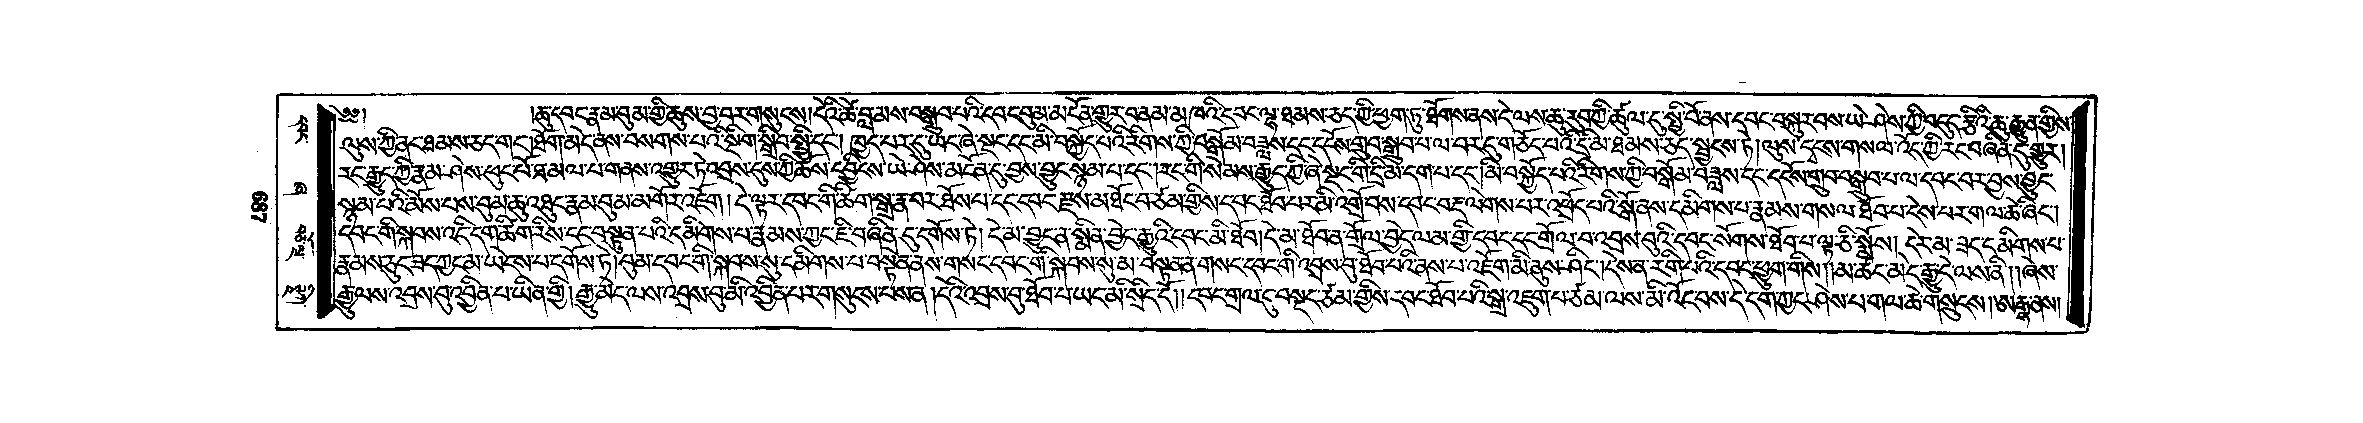༄༅། །ཆུ་དབང་རྣམ་བུམ་གྱི་ཆུས་བྱ་བར་གསུངས། དེའི་ཚེ་བླ་མས་བསྒྲུབ་པའི་དབང་བུམ་མངོན་གྱུར་བ་ནམ་མཁའི་དབང་ལྷ་ཐམས་ཅད་ཀྱི་ཕྱག་ཏུ་ཐོགས་ནས་དེ་ལས་ཆུ་རུབ་ཀྱི་ཚུལ་དུ་སྤྱི་བོ་ནས་དབང་བསྐུར་བས་ཡེ་ཤེས་ཀྱི་བདུད་རྩིའི་ཆུ་རྒྱུན་གྱིས་
ལུས་ཀྱི་ནང་ཐམས་ཅད་གང་། ཐོག་མེད་ནས་བསགས་པའི་སྡིག་སྒྲིབ་སྤྱི་དང་། ཁྱད་པར་དུ་ཡང་ཞེ་སྡང་དང་མི་བསྐྱོད་པའི་རིགས་ཀྱི་བསྒོམ་བཟླས་དང་དངོས་གྲུབ་སྒྲུབ་པ་ལ་བར་དུ་གཅོད་པའི་དྲི་མ་ཐམས་ཅད་སྦྱངས་ཏེ། ལུས་དྭགས་གསལ་འོད་ཀྱི་རང་བཞིན་དུ་གྱུར།
རང་རྒྱུད་ཀྱི་རྣམ་ཤེས་ཕུང་པོ་ཐ་མལ་པ་གནས་འགྱུར་ཏེ་འབྲས་དུས་ཀྱི་ཆོས་དབྱིངས་ཡེ་ཤེས་མངོན་དུ་བྱས་བྱུང་སྙམ་པ་དང་། རང་གི་སེམས་རྒྱུད་ཀྱི་ཞེ་སྡང་གི་དྲི་མ་དག་པ་དང་། མི་བསྐྱོད་པའི་རིགས་ཀྱི་བསྒོམ་བཟླས་དང་དངོས་གྲུབ་བསྒྲུབ་པ་ལ་དབང་བར་བྱས་བྱུང་
སྙམ་པའི་མོས་པས་བུམ་ཆུ་འཐུང་རྣམ་བུམ་མགོར་འཇོག །དེ་ལྟར་དབང་གི་ཚིག་སྒྲ་རྣ་བར་ཐོས་པ་དང་དབང་རྫས་མཐོང་བ་ཙམ་གྱིས་དབང་ཐོབ་པར་མི་འགྲོ་བས་དབང་བརྡ་ལེགས་པར་འཕྲོད་པའི་སྒོ་ནས་དམིགས་པ་རྣམས་གསལ་ཐོབ་པ་དེས་པར་གལ་ཆེ་ཞིང་།
དབང་གི་སྐབས་འདི་དག་ཚིག་རིས་དང་བསྟུན་པའི་དམིགས་པ་རྣམས་ཀྱང་ཇི་བཞིན་དུ་དགོས་ཏེ། དེ་མ་བྱུང་ན་སྨིན་བྱེད་རྒྱུའི་དབང་མི་ཐོབ། དེ་མ་ཐོབ་ན་གྲོལ་བྱེད་ལམ་གྱི་དབང་དང་གྲོལ་བ་འབྲས་བུའི་དབང་སོགས་ཐོབ་པ་ལྟ་ཅི་སྨོས། དེར་མ་ཟད་དམིགས་པ་
རྣམས་ཅུང་ཟད་ཀྱང་མ་ཡེངས་པ་དགོས་ཏེ། བུམ་དབང་གི་སྐབས་སུ་དམིགས་པ་བསྟེན་ནས་གསང་དབང་གི་སྐབས་སུ་མ་བསྟན་ན་གསང་དབང་གི་འབྲས་བུ་ཐོབ་པའི་ནས་པ་འཇོག་མི་ནུས་ཤིང་། དེས་ན་རིག་པའི་དབང་ཕྱུག་གིས། །མ་ཚང་མེད་རྒྱུ་དེ་ལས་ནི། །ཞེས་
རྒྱུ་ལས་འབྲས་བུ་འབྱིན་པ་ཡིན་གྱི། རྒྱུ་མེད་ལས་འབྲས་བུ་མི་འབྱིན་པར་གསུངས་པས་ན། དེའི་འབྲས་བུ་ཐོབ་པ་ཡང་མི་སྲིད་དོ། །དབང་གྲལ་དུ་བསྡད་ཙམ་གྱིས་དབང་ཐོབ་པའི་སྒྲ་འཇུག་པ་ཙམ་ལས་མི་འོང་བས་དེ་དག་ཀྱང་ཤེས་པ་གལ་ཆེ་གསྲུངས། ཨརྒྷ་ནས།